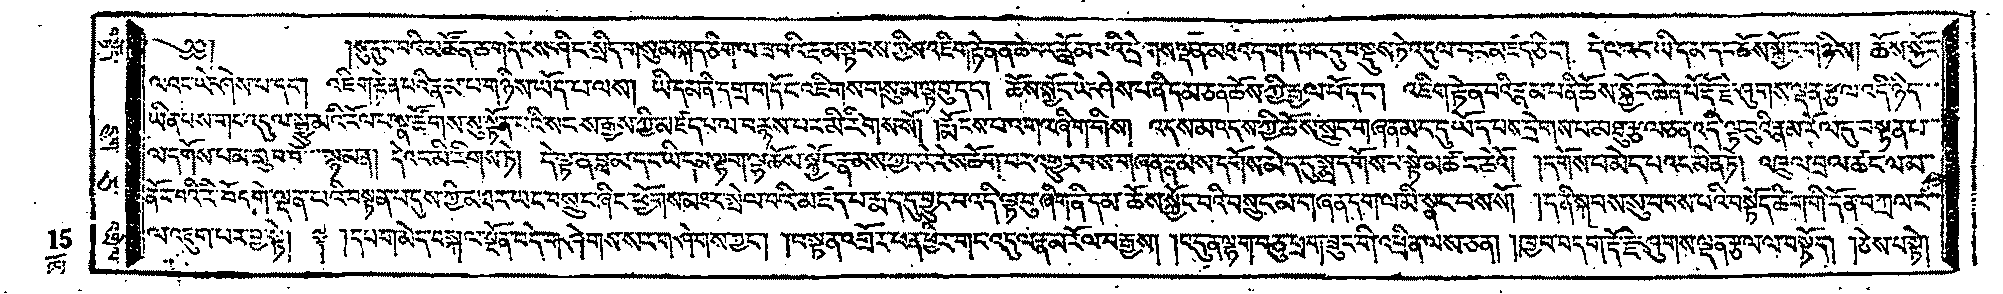༄༅། །སུ་རུང་བའི་མཚོན་ཆ་གདེངས་ཤིང་སྲིད་གསུམ་སྐད་ཅིག་ལ་ཟ་བའི་རྔམ་སྟབས་ཀྱིས་འཇིག་རྟེན་ན་ཆེ་བར་རློམ་པའི་དྲེགས་ལྡན་མཐའ་དག་དབང་དུ་བསྡུས་ཏེ་འདུལ་བར་མཛད་ཅིང་། དེ་ལའང་ཡི་དམ་དང་ཆོས་སྐྱོང་གཉིས། ཆོས་སྐྱོང་
ལའང་ཡེ་ཤེས་པ་དང་། འཇིག་རྟེན་པའི་རྣམ་པ་གཉིས་ཡོད་པ་ལས། ཡི་དམ་ནི་དགྲ་གདོང་འཇིགས་གསུམ་ལྟ་བུ་དང་། ཆོས་སྐྱོང་ཡེ་ཤེས་པ་ནི་དམ་ཅན་ཆོས་ཀྱི་རྒྱལ་པོ་དང་། འཇིག་རྟེན་པའི་རྣམ་པ་ནི་ཆོས་སྐྱོང་ཆེན་པོ་རྡོ་རྗེ་ཤུགས་ལྡན་རྩལ་འདི་ཉིད་
ཡིན་པས་གང་འདུལ་སྒྱུ་མའི་རོལ་པ་སྣ་ཚོགས་སུ་སྟོན་པའི་སངས་རྒྱས་ཀྱི་མཛད་པ་ལ་བརྙས་པར་མི་རིགས་སོ། །རྨོངས་པ་འགའ་ཞིག་གིས། འདས་མ་འདས་ཀྱི་ཆོས་སྲུང་གཞན་མང་དུ་ཡོད་པས་དྲེགས་པ་མཐུ་རྩལ་ཅན་འདི་ལྟ་བུའི་རྣམ་རོལ་དུ་བསྟན་པ་
ལ་དགོས་པ་མ་གྲུབ་བོ་སྙམ་ན། དེའང་མི་རིགས་ཏེ། དེ་ལྟ་ན་བླ་མ་དང་ཡི་དམ་ལྷག་ལྷ་ཆོས་སྐྱོང་རྣམས་ཀྱང་རེ་རེས་ཆོག་པར་འགྱུར་བས་གཞན་རྣམས་དགོས་མེད་དུ་སྨྲ་དགོས་པ་སྟེ་མཚང་ཆེའོ། །དགོས་པ་མེད་པའང་མིན་ཏེ། འཁྲུལ་བྲལ་ཚང་ལ་མ་
ནོར་བའི་རི་བོ་དགེ་ལྡན་པའི་བསྟན་པ་དུས་ཀྱི་མཐར་ཡང་བསྲུང་ཞིང་ཕྱོགས་མཐར་སྤེལ་བའི་མཛད་པ་རྨད་དུ་བྱུང་བ་འདི་ལྟ་བུ་ཞིག་ནི་དམ་ཆོས་སྐྱོང་བའི་བསྲུང་མ་གཞན་དག་ལ་མི་སྣང་བས་སོ། །ད་ནི་སྐབས་སུ་བབས་པའི་བསྟོད་ཚིག་གི་དོན་བཀྲལ་བ་
ལ་འཇུག་པར་བྱ་སྟེ། ༈ །དཔག་མེད་བསྐལ་སྔོན་བདེ་གཤེགས་སར་གཤེགས་ཀྱང་། །བསྟན་འགྲོར་ཕན་ཕྱིར་གང་འདུལ་རྣམ་རོལ་བརྒྱས། །བདུན་ལྷག་བཅུ་ཕྲག་ཟུང་གི་འཕྲིན་ལས་ཅན། །ཁྱབ་བདག་རྡོ་རྗེ་ཤུགས་ལྡན་རྩལ་ལ་བསྟོད། །ཅེས་པ་སྟེ།